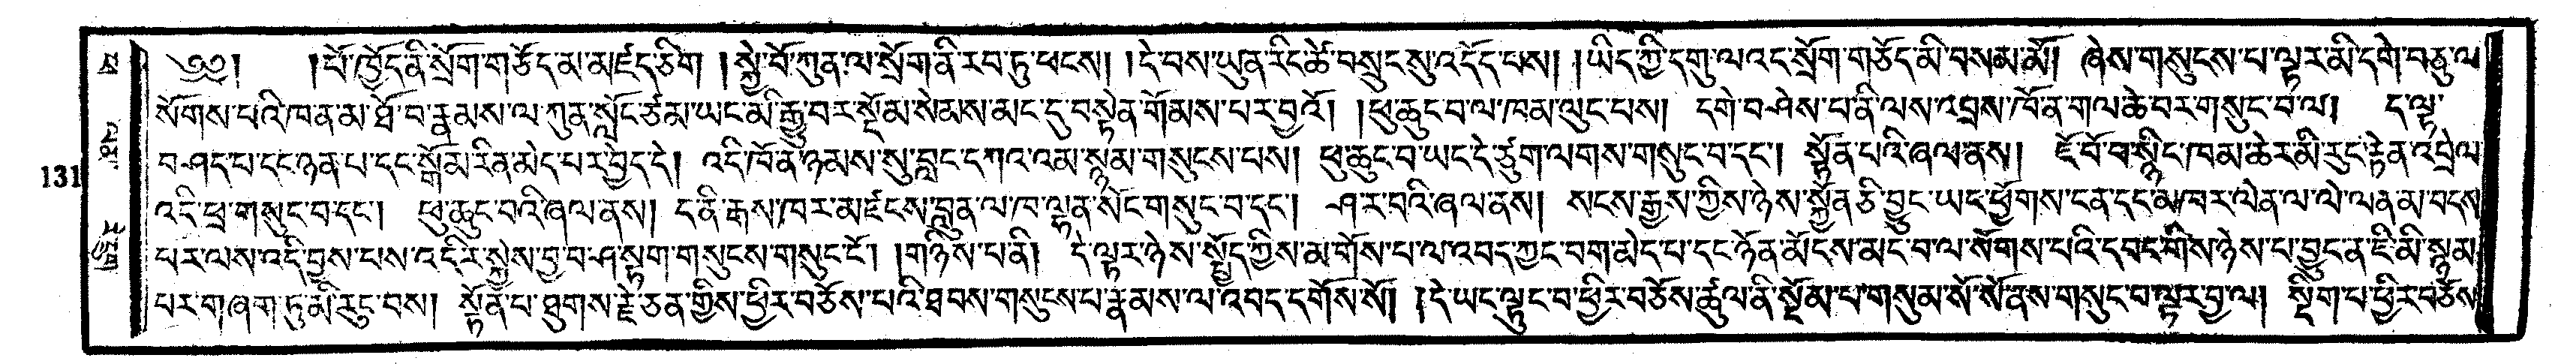༄༅། །པོ་ཁྱོད་ནི་སྲོག་གཅོད་མ་མཛད་ཅིག །སྐྱེ་བོ་ཀུན་ལ་སྲོག་ནི་རབ་ཏུ་ཕངས། །དེ་བས་ཡུན་རིང་ཚེ་བསྲུང་སུ་འདོད་པས། །ཡིད་ཀྱི་དགུ་ལའང་སྲོག་གཅོད་མི་བསམ་མོ། ཞེས་གསུངས་པ་ལྟར་མི་དགེ་བཅུ་ལ་
སོགས་པའི་ཁ་ན་མ་ཐོ་བ་རྣམས་ལ་ཀུན་སློང་ཙམ་ཡང་མི་རྒྱུ་བར་སྡོམ་སེམས་མང་དུ་བསྟེན་གོམས་པར་བྱའོ། །ཕུ་ཆུང་བ་ལ་ཁམ་ལུང་པས། དགེ་བཤེས་པ་ནི་ལས་འབྲས་ཁོ་ན་གལ་ཆེ་བར་གསུང་བ་ལ། ད་ལྟ་
བཤད་པ་དང་ཉན་པ་དང་སྒོམ་རིན་མེད་པར་བྱེད་དེ། འདི་ཁོ་ན་ཉམས་སུ་བླང་དཀའ་འམ་སྙམ་གསུངས་པས། ཕུ་ཆུང་བ་ཡང་དེ་ཙུག་ལགས་གསུང་བ་དང་། སྟོན་པའི་ཞལ་ནས། ཇོ་བོ་བ་སྙིང་ཁམ་ཆེར་མི་རུང་རྟེན་འབྲེལ་
འདི་ཕྲག་གསུང་བ་དང་། ཕུ་ཆུང་བའི་ཞལ་ནས། ད་ནི་རྒས་ཁར་མྲྫངས་བླུན་ལ་ཁ་ལྷན་སོང་གསུང་བ་དང་། ཤ་ར་བའི་ཞལ་ནས། སངས་རྒྱས་ཀྱིས་ཉེས་སྐྱོན་ཅི་བྱུང་ཡང་ཕྱོགས་ངན་དང་མཁར་ལེན་ལ་ལེ་ལན་མ་བདས་
པར་ལས་འདི་བྱས་པས་འདིར་སྐྱེས་བྱ་བ་ཤ་སྟག་གསུངས་གསུང་ངོ། །གཉིས་པ་ནི། དེ་ལྟར་ཉེས་སྤྱོད་ཀྱིས་མ་གོས་པ་ལ་འབད་ཀྱང་བག་མེད་པ་དང་ཉོན་མོངས་མང་བ་ལ་སོགས་པའི་དབང་གིས་ཉེས་པ་བྱུང་ན་ཇི་མི་སྙམ་
པར་གཞག་ཏུ་མི་རུང་བས། སྟོན་པ་ཐུགས་རྗེ་ཅན་གྱིས་ཕྱིར་བཅོས་པའི་ཐབས་གསུངས་པ་རྣམས་ལ་འབད་དགོས་སོ། །དེ་ཡང་ལྟུང་བ་ཕྱིར་བཅོས་ཚུལ་ནི་སྡོམ་པ་གསུམ་སོ་སོ་ནས་གསུང་བ་ལྟར་བྱ་ལ། སྡིག་པ་ཕྱིར་བཅོས་